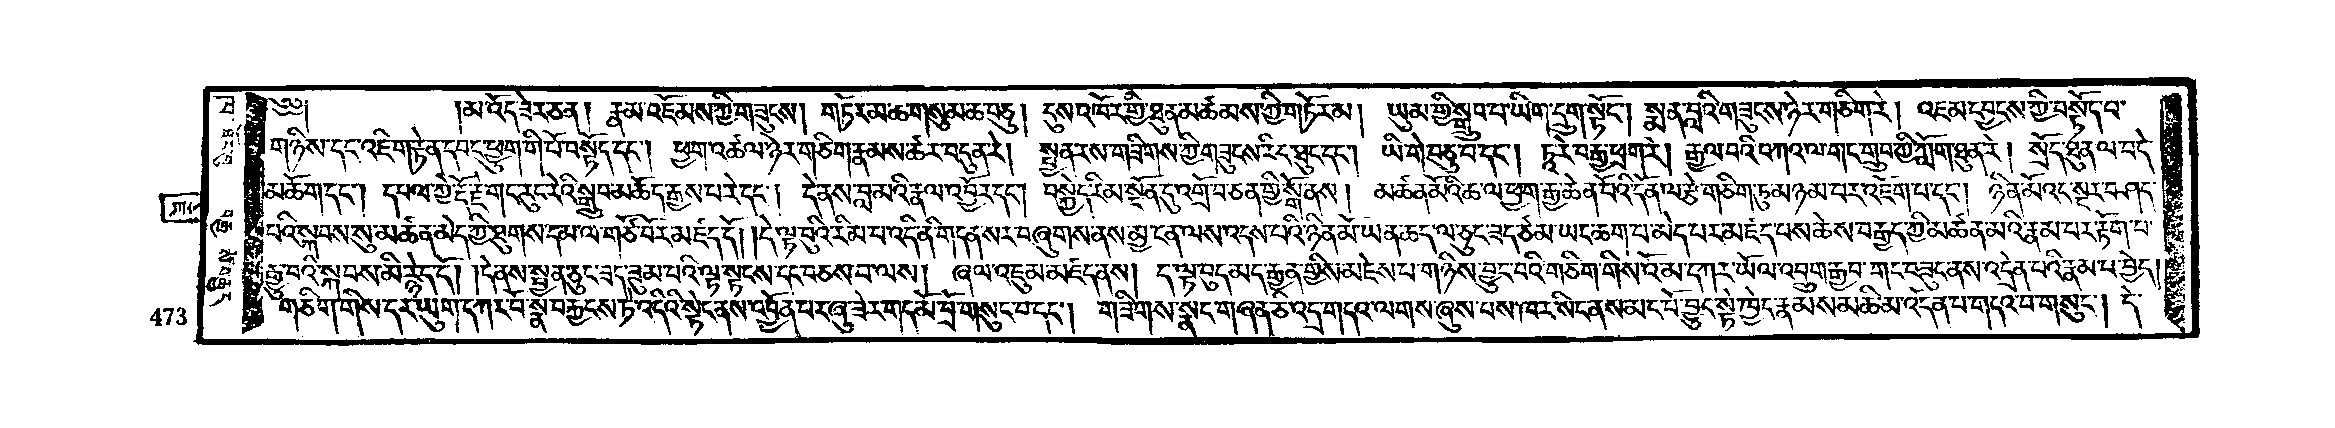༄༅། །མ་འོད་ཟེར་ཅན། རྣམ་འཇོམས་ཀྱི་གཟུངས། གཏོར་མ་ཆ་གསུམ་ཆ་བཅུ། དུས་འཁོར་གྱི་ཐུན་མཚམས་ཀྱི་གཏོར་མ། ཡུམ་གྱི་སྒྲུབ་པ་ཡིག་དྲུག་སྟོང་། སྨན་བླའི་གཟུངས་ཉེར་གཅིག་རེ། འཇམ་དབྱངས་ཀྱི་བསྟོད་པ་
གཉིས་དང་འཇིག་རྟེན་དབང་ཕྱུག་གི་པོ་བསྟོད་དང་། ཕྱག་འཚལ་ཉེར་གཅིག་རྣམས་ཚར་བདུན་རེ། སྤྱན་རས་གཟིགས་ཀྱི་གཟུངས་རིང་ཐུང་དང་། ཡི་གེ་བཅུ་པ་དང་། ཏཱ་རེ་བརྒྱ་ཕྲག་རེ། རྒྱལ་བའི་བཀའ་ལ་གང་གྲུབ་ཀྱི་གློག་ཐུན་རེ། སྲོད་ཐུན་ལ་བདེ་
མཆོག་དང་། དཔལ་ཀྱེ་རྡོ་རྗེ་གང་རུང་རེའི་སྒྲུབ་མཆོད་རྒྱས་པ་རེ་དང་། དེ་ནས་བླ་མའི་རྣལ་འབྱོར་དང་། བསྐྱེད་རིམ་སྔོན་དུ་འགྲོ་བ་ཅན་གྱི་སྒོ་ནས། མཚན་མོའི་ཆ་ལ་ཕྱག་རྒྱ་ཆེན་པོའི་དོན་ལ་རྩེ་གཅིག་ཏུ་མཉམ་པར་འཇོག་པ་དང་། ཉིན་མོའང་སྔར་བཤད་
པའི་སྐབས་སུ་མཚན་མེད་ཀྱི་ཐུགས་དམ་ལ་གཙོ་བོར་མཛད་དོ། །དེ་ལྟ་བུའི་རིམ་པ་འདི་ནི་གདན་སར་བཞུགས་ནས་མྱ་ངན་ལས་འདས་པའི་ཉིན་མོ་ཡན་ཆད་ལ་ཅུང་ཟད་ཙམ་ཡང་ཆག་པ་མེད་པར་མཛད་པས་ཆོས་བརྒྱད་ཀྱི་མཚན་མའི་རྣམ་པར་རྟོག་པ་
རྒྱུ་བའི་སྐབས་མི་རྙེད་དོ། །དེ་ནས་སྤྱན་ཅུང་ཟད་ཟུམ་པའི་ལྟ་སྟངས་དང་བཅས་པ་ལས། ཞལ་འཇུམ་མཛད་ནས། ད་ལྟ་བུད་མེད་རྒྱན་གྱིས་མཛེས་པ་གཉིས་བྱུང་བའི་གཅིག་གིས་འོ་མ་དཀར་ཡོལ་འབྲུག་རྒྱབ་གང་བཟུང་ནས་འདྲེན་པའི་རྣམ་པ་བྱེད།
གཅིག་གིས་དར་ཡུག་དཀར་པོ་སྣ་བརྐྱངས་ཏེ་འདིའི་སྟེང་ནས་འབྱོན་པར་ཞུ་ཟེར་གད་མོ་བྲོ་གསུང་བ་དང་། གཟིགས་སྣང་གཞན་ཅི་འདྲ་གདའ་ལགས་ཞུས་པས་ཁར་སིང་ནས་མང་པོ་བྱུང་སྟེ་ཁྱེད་རྣམས་མཆི་མ་འདོན་པ་གདའ་བ་གསུང་། དེ་